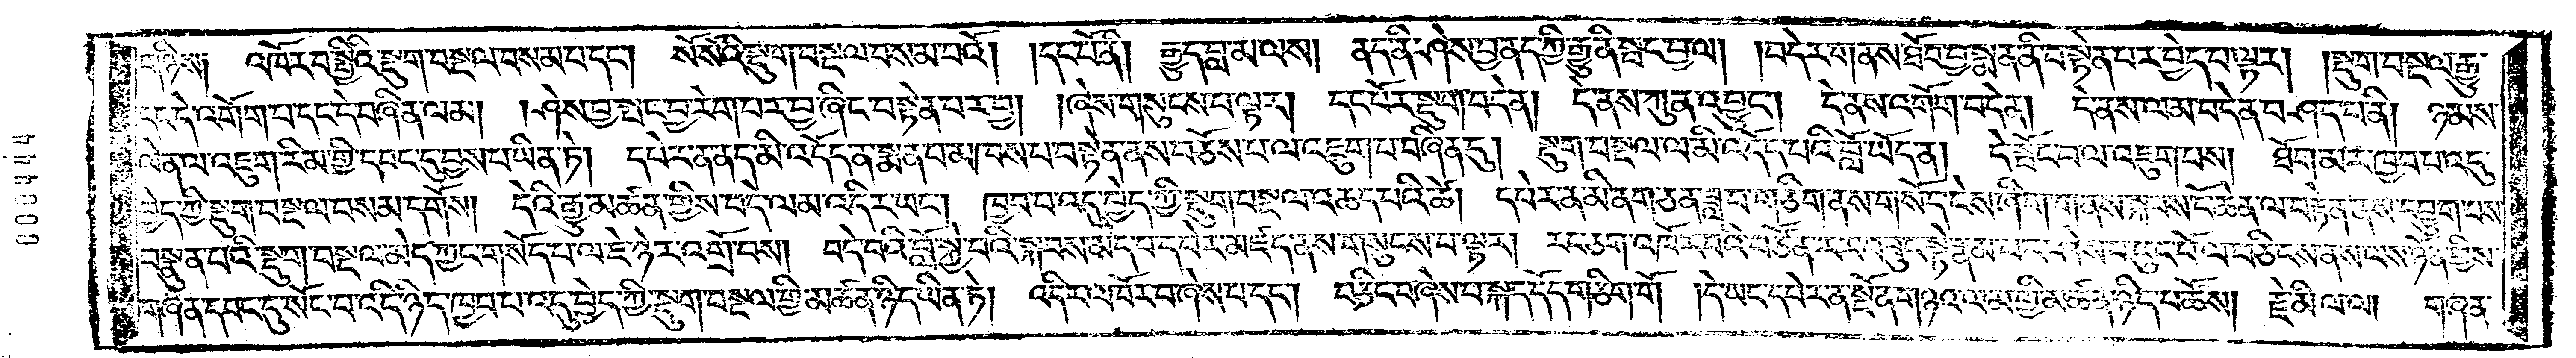གཉིས༑ འཁོར་བ་སྤྱིའི་སྡུག་བསྔལ་བསམ་པ་དང་། སོ་སོའི་སྡུག་བསྔལ་བསམ་པའོ། །དང་པོ་ནི། རྒྱུད་བླ་མ་ལས། ནང་ནི་ཤེས་བྱ་ནད་ཀྱི་རྒྱུ་ནི་སྤང་བྱ་ལ། །བདེར་གནས་ཐོབ་བྱ་སྨན་ནི་བསྟེན་པར་བྱེད་པ་ལྟར། །སྡུག་བསྔལ་རྒྱུ་
དང་དེ་འགོག་པ་དང་དེ་བཞིན་ལམ། །ཤེས་བྱ་སྤང་བྱ་རེག་པར་བྱ་ཞིང་བསྟེན་པར་བྱ། །ཞེས་གསུངས་པ་ལྟར། དང་པོར་སྡུག་བདེན། དེ་ནས་ཀུན་འབྱུང་། དེ་ནས་འགོག་བདེན། དེ་ནས་ལམ་བདེན་བཤད་པ་ནི། ཉམས་
ལེན་ལ་འཇུག་རིམ་གྱི་དབང་དུ་བྱས་པ་ཡིན་ཏེ། དཔེར་ན་ནད་མི་འདོད་ན་སྨན་བ་མཁས་པ་བསྟེན་ནས་བཅོས་པ་ལ་འཇུག་པ་བཞིན་དུ། སྡུག་བསྔལ་ལ་མི་འདོད་པའི་བློ་ཡོད་ན། དེ་སྤོང་བ་ལ་འཇུག་པས། ཐོག་མར་ཁྱབ་པ་འདུ་
བྱེད་ཀྱི་སྡུག་བསྔལ་བསམ་དགོས། དེའི་རྒྱུ་མཚན་གྱིས་བདེ་ལམ་འདིར་ཡང་། ཁྱབ་པ་འདུ་བྱེད་ཀྱི་སྡུག་བསྔལ་འཆད་པའི་ཚེ། དཔེར་ན་མི་ནག་ཅན་ཟླ་བ་གཅིག་ནས་གསོད་ངེས་ཞིག་གནས་སྐབས་ངོ་ཆེན་ལ་བརྟེན་ནས་དབྱུག་པས་
བསྣུན་པའི་སྡུག་བསྔལ་མེད་ཀྱང་གསོད་པ་ལ་ཇེ་ཉེར་འགྲོ་བས། བདེ་བའི་བློ་སྐྱེ་བའི་སྐབས་མེད་པ་དཔེར་མཛད་ནས་གསུངས་པ་ལྟར། རང་ཅག་འཁོར་བའི་བཙོན་རར་བཟུང་སྟེ་རྣམ་པར་ཤེས་པ་ཕུང་པོ་ལ་བཅིངས་ནས་ལས་ཉོན་གྱིས་
གཞན་དབང་དུ་སོང་བ་འདི་ཉིད་ཁྱབ་པ་འདུས་བྱེད་ཀྱི་སྡུག་བསྔལ་གྱི་མཚན་ཉིད་ཡིན་ཏེ། འདིར་འཁོར་བ་ཞེས་པ་དང་། བཅིང་བཞེས་པ་སྐད་དོད་གཅིག་གོ །དེ་ཡང་དཔེར་ན་སྔོན་གཉའ་ལམ་གྱི་མཚན་ཉིད་པ་ཚོས། རྗེ་མིལ་ལ། གཞན་